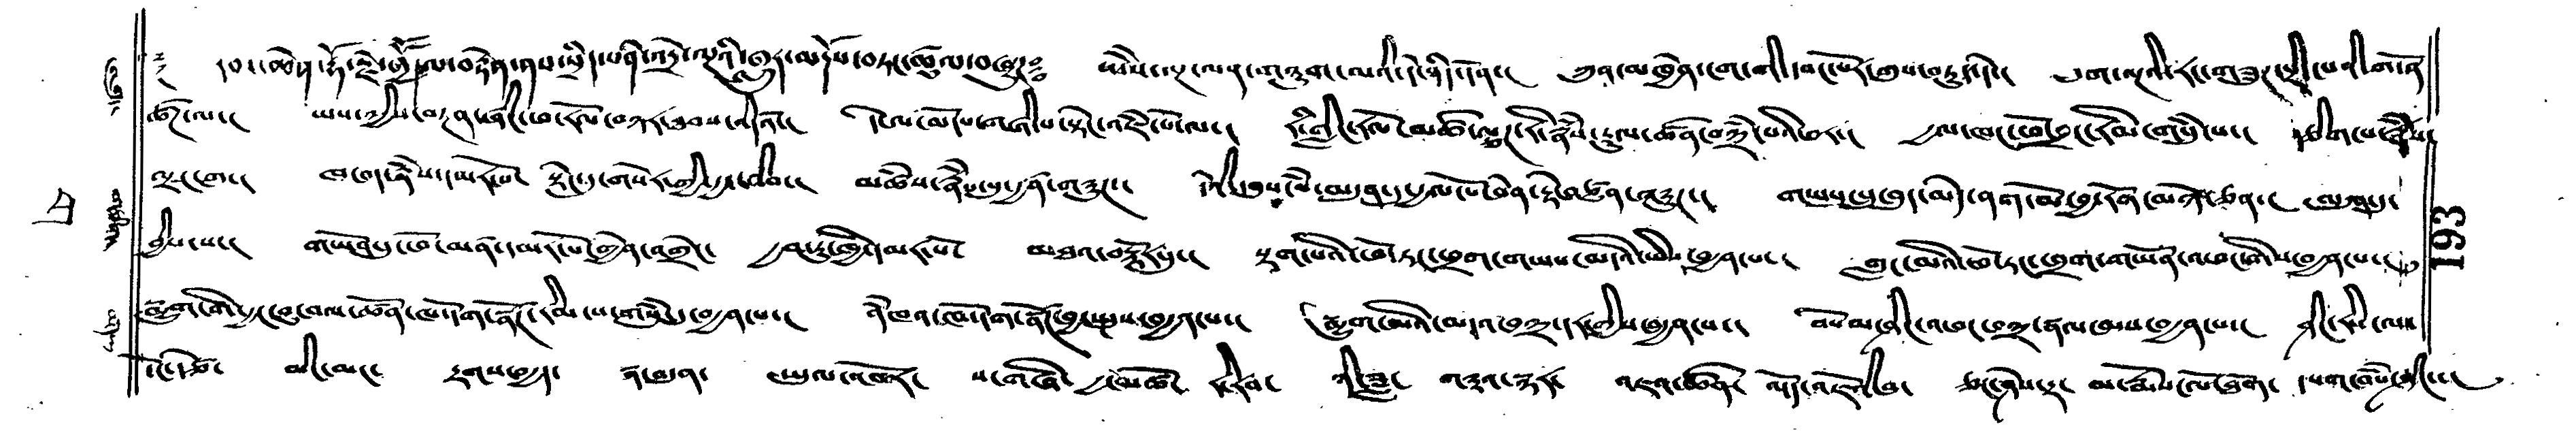༄༅། དབང་ཆེན་རྡོ་རྗེ་གྲོ་ལོད་ལ་བརྟེན་ནས་སྲིད་པའི་འདྲེ་ལྔའི་གླུད་མདོས་གཏོང་ཚུལ་བཞུགས། ཡེ་ཤེས་ལྔ་ལྡན་གཉུག་མའི་དེ་ཉིད་སྟོན། །ཀུན་མཁྱེན་ངག་གི་དབང་པོར་གུས་བཏུད་དེ། །དུག་ལྔའི་རང་གཟུགས་སྲིད་པའི་གདོན་
ཚོགས་ལ། །ཡས་ཀྱིས་བརྔན་ཞིང་ཕ་རོལ་བཀར་ཐབས་འདིའོ། །དེ་ལ་མདོས་གཞི་ས་སྟེགས་འཇམ་པོ་ལ། རི་གླིང་རོལ་མཚོ་ལྕགས་རི་རྣམས་རྡུལ་ཚོན་བཀྲམ་པའི་ཁར། རྒྱལ་ཁང་ཕོ་བྲང་རིམ་གསུམ་པ། རྩིག་པ་རྣམས་
ལྗང་གུ། ཁ་བད་རྣམས་དམར་པོ། སྟེང་དུ་གསེར་གྱི་རྒྱ་ཕིབས། མཚམས་རྣམས་སུ་རྒྱལ་མཚན་གཟུག དེའི་དབུས་སམ་མདུན་དུ་རྒྱལ་པོ་བན་དྷེ་བཙུན་གཟུགས། གཡས་སུ་བུད་མེད་ནག་མོ་བྱ་རོག་མགོ་ཅན། མདུན་དུ་
བྱིས་པ། གཡོན་དུ་ཕོ་མཚན་དམར་པོ་གྱེན་འགྲེང་། རྒྱབ་ཏུ་ཁྱི་དམར་པོ། མཐའ་སྐོར་དུ། སྟག་པའི་ཕོ་ཏང་ཕྲག་གཡས་མདའ་ཡིས་བརྒྱན་པ། གླང་མའི་མོ་ཏང་ཕྲག་གཡོན་འཕང་གིས་བརྒྱན་པ། 
སྨྱུག་གི་རྒྱང་བུ་བལ་མཚོན་ཁ་དོག་སྣ་ཚོགས་རིམ་པ་གསུམ་དུ་བརྒྱན་པ། ནམ་མཁའ་ཁ་དོག་སྣ་ཚོགས་བྱ་སྤུས་བརྒྱན་པ། སྨྱུག་མའི་མདའ་བཀྲ་དར་གྱིས་བརྒྱན་པ། བསོམ་ཤིང་འཕང་བཀྲ་སྣལ་མས་བརྒྱན་པ། ཤིང་རི་ལ་
དོང་རྩེ། མིང་མང་། རྟགས་བརྒྱད། སྣ་བདུན། ཡུལ་འཁོར། ས་གཞི། རྒྱ་མཚོ། རི་རབ། ཉི་ཟླ། གཟའ་སྐར། འཇའ་ཚོན། འདོད་འཇོའི་བ། ཅང་ཤེས་རྟ། མ་རྨོས་ལོ་ཐོག དཔག་བསམ་ཤིང་།